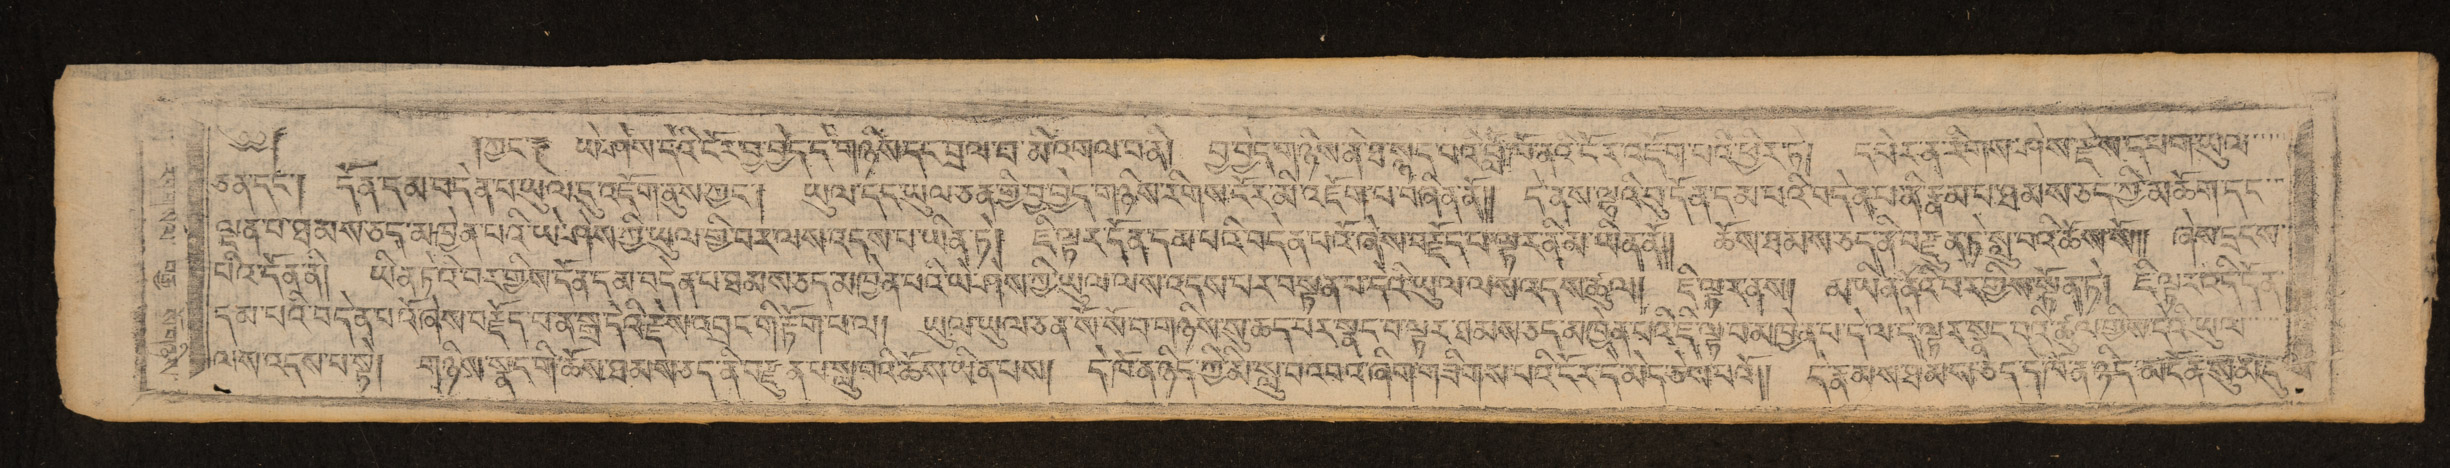༄༅། །ཀྱང༑ ཡེ་ཤེས་དེའི་ངོར་བྱ་བྱེད་དེ་གཉིས་དང་བྲལ་བ་མི་འགལ་བ་ནི། བྱ་བྱེད་གཉིས་ནི་ཐ་སྙད་པའི་བློ་ཁོ་ནའི་ངོར་འཇོག་པའི་ཕྱིར་ཏེ། དཔེར་ན་རིགས་ཤེས་རྗེས་དཔག་ཡུལ་
ཅན་དང་། དོན་དམ་བདེན་པ་ཡུལ་དུ་འཇོག་ནུས་ཀྱང་། ཡུལ་དང་ཡུལ་ཅན་གྱི་བྱ་བྱེད་གཉིས་རིགས་ངོར་མ་འཇོག་པ་བཞིན་ནོ།། དེ་ནས་ལྷའི་བུ་དོན་དམ་པའི་བདེན་པ་ནི་རྣམ་པ་ཐམས་ཅད་ཀྱི་མཆོག་དང་
ལྡན་པ་ཐམས་ཅད་མཁྱེན་པའི་ཡེ་ཤེས་ཀྱི་ཡུལ་གྱི་བར་ལས་འདས་པ་ཡིན་ཏེ། ཇི་ལྟར་དོན་དམ་པའི་བདེན་པའོ་ཞེས་བརྗོད་པ་ལྟར་ནི་མ་ཡིན་ནོ།། ཆོས་ཐམས་ཅད་ནི་བརྫུན་ཏེ་སླུ་བའི་ཆོས་སོ།། ཞེས་དྲངས་
པའི་དོན་ནི། ཡིན་ཏེའི་བར་གྱིས་དོན་དམ་བདེན་པ་ཐམས་ཅད་མཁྱེན་པའི་ཡེ་ཤེས་ཀྱི་ཡུལ་ལས་འདས་པར་བསྟན་པ་དེའི་ཡུལ་ལས་འདས་ཚུལ། ཇི་ལྟར་ནས། མ་ཡིན་ནོའི་བར་གྱིས་སྟོན་ཏེ། ཇི་ལྟར་འདི་དོན་
དམ་པའི་བདེན་པའོ་ཞེས་བརྗོད་པ་ན་སྒྲ་དེའི་རྗེས་འབྲང་གི་རྟོག་པ་ལ། ཡུལ་ཡུལ་ཅན་སོ་སོ་བ་གཉིས་སུ་ཆད་པར་སྣང་བ་ལྟར་ཐམས་ཅད་མཁྱེན་པའི་ཇི་ལྟ་བ་མཁྱེན་པ་དེ་ལ་དེ་ལྟར་སྣང་བའི་ཚུལ་གྱིས་དེའི་ཡུལ་
ལས་འདས་པ་སྟེ། གཉིས་སྣང་གི་ཆོས་ཐམས་ཅད་ནི་བརྫུན་པ་སླུ་བའི་ཆོས་ཡིན་པས། དེ་ཁོ་ན་ཉིད་ཀྱི་མི་སླུ་བ་འབའ་ཞིག་གཟིགས་པའི་ངོར་དེ་མེད་ཅེས་པའོ།། དེ་རྣམས་ཐམས་ཅད་དེ་ཁོ་ན་ཉིད་མངོན་སུམ་དུ་